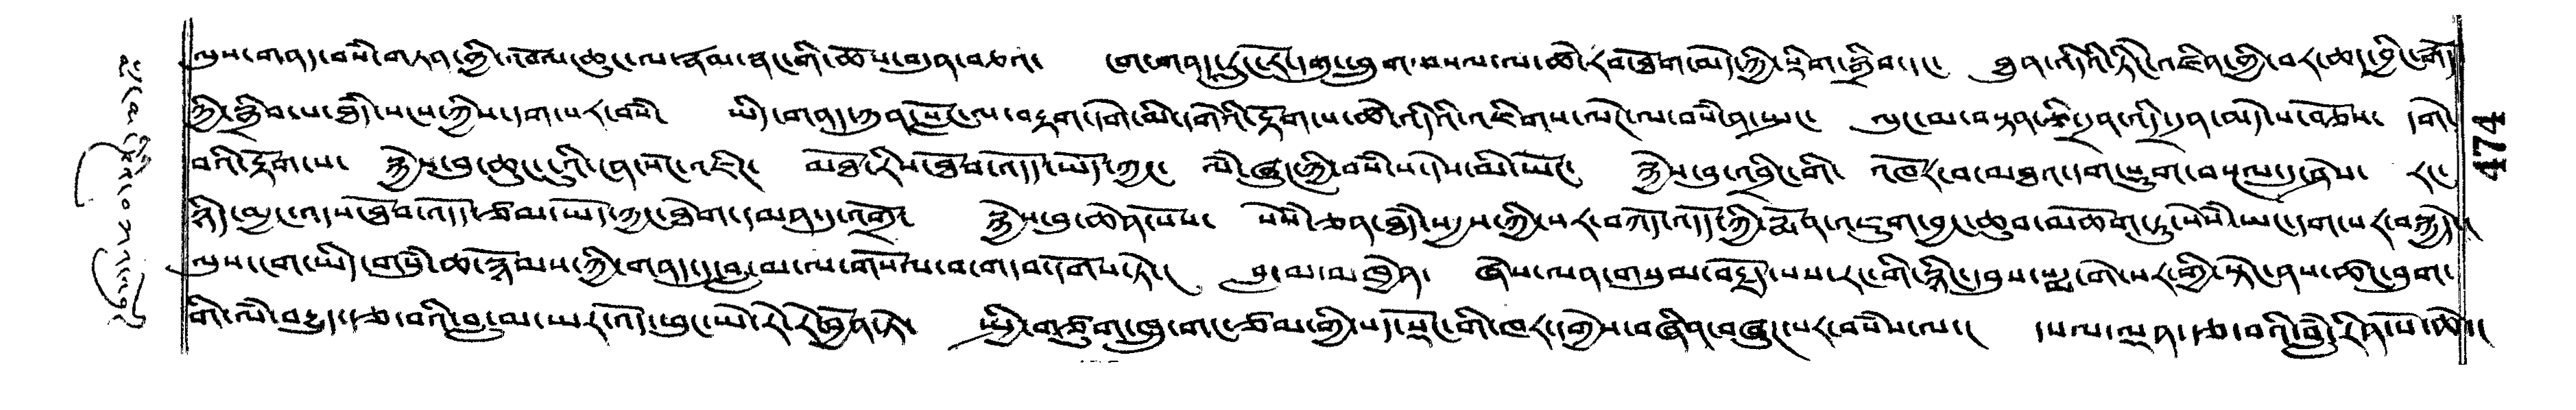ལུས་གནད་བསམ་གཏན་གྱི་འབོལ་ཆུང་ལ་རྣམ་སྣང་གི་ཆོས་བདུན་བཅའ། ངག་གནད་རླུང་རོ་དགུ་ཕྲུགས་བསལ་ལ་ཚེ་རབས་ཐོག་མེད་ཀྱི་སྡིག་སྒྲིབ་དང་། ཐུན་འདིའི་ཏིང་ངེ་འཛིན་གྱི་བར་ཆད་བྱིང་རྒོད་
ཀྱི་སྒྲིབ་པ་ཐམས་ཅད་སངས་ཀྱིས་དག་པར་བསམ། ཡིད་གནད་ཀུན་སློང་ལ་བརྟག དགེ་མི་དགེའི་རྟོག་པ་ཚེ་འདིའི་འཇིགས་ལེགས་ལ་བསམ་ན་སྤང་། ལུང་མ་བསྟན་ཅི་དྲན་འདི་དྲན་མེད་པ་བཅོས། དགེ་
བའི་རྟོག་པ་སྐྱེས་བུ་ཆུང་ངུས་ངན་སོང་ལ་འཇིགས་ནས་མཐོ་རིས་ཐོབ་འདོད་ཡོད་ཀྱང་ལམ་ཞུགས་ཀྱི་བསམ་པ་དེས་མི་ཡོང་། སྐྱེས་བུ་འབྲིང་གིས་འཁོར་བ་མཐའ་དག་སྡུག་བསྔལ་དུ་ཤེས་ནས་རང་
ཉིད་མྱང་འདས་ཐོབ་འདོད་ཙམ་ཡོད་ཀྱང་ཐེག་དམན་དུ་འགྲོ།སྐྱེས་བུ་ཆེན་པོས་སེམས་ཅན་ཐམས་ཅད་སངས་རྒྱས་ཀྱི་སར་འགཽད་འདོད་ཀྱིས་སྨོན་འཇུག་བྱང་ཆུབ་མཆོག་ཏུ་སེམས་ཡང་དག་པར་བསྐྱེད། 
ལུས་ངག་ཡིད་གསུམ་ཆ་སྙོམས་ཀྱི་གནད་དུ་བླ་མ་ལ་གསོལ་བ་གདབ་དགོས་ཏེ། བླ་མ་མཁྱེན། ཞེས་ལན་གསུམ་བརྗོད་པས་རང་གི་སྙིང་དབུས་པདྨ་གེ་སར་གྱི་སྟེང་ནས་ཚངས་བུག་
གི་ལམ་བརྒྱུད་རྩ་བའི་བླ་མ་ཡར་འོད་ཕུང་ཡེ་རེ་རེ་བྱོན་སྟེ། སྤྱི་གཙུག་ཁྲུ་གང་ཙམ་གྱི་པད་སྡོང་གི་ཁར་དགྱེས་བཞིན་བཞུགས་པར་བསམ་ལ། དཔལ་ལྡན་རྩ་བའི་བླ་མ་རིན་པོ་ཆེ།